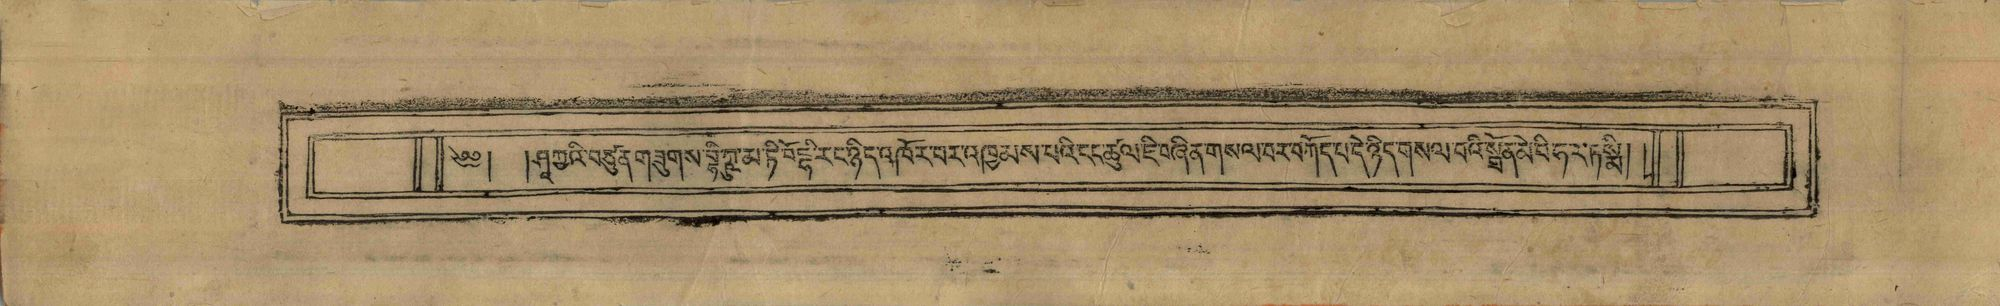༄༅། །ཤཱཀྱའི་བཙུན་གཟུགས་བྷི་ཀྵུ་མ་ཏི་བོདྷི་རང་ཉིད་འཁོར་བར་འཁྱམས་པའི་ངང་ཚུལ་ཇི་བཞིན་གསལ་བར་བཀོད་པ་དེ་ཉིད་གསལ་བའི་སྒྲོན་མེ་བི་ཧ་ར་ཏསྨི། །